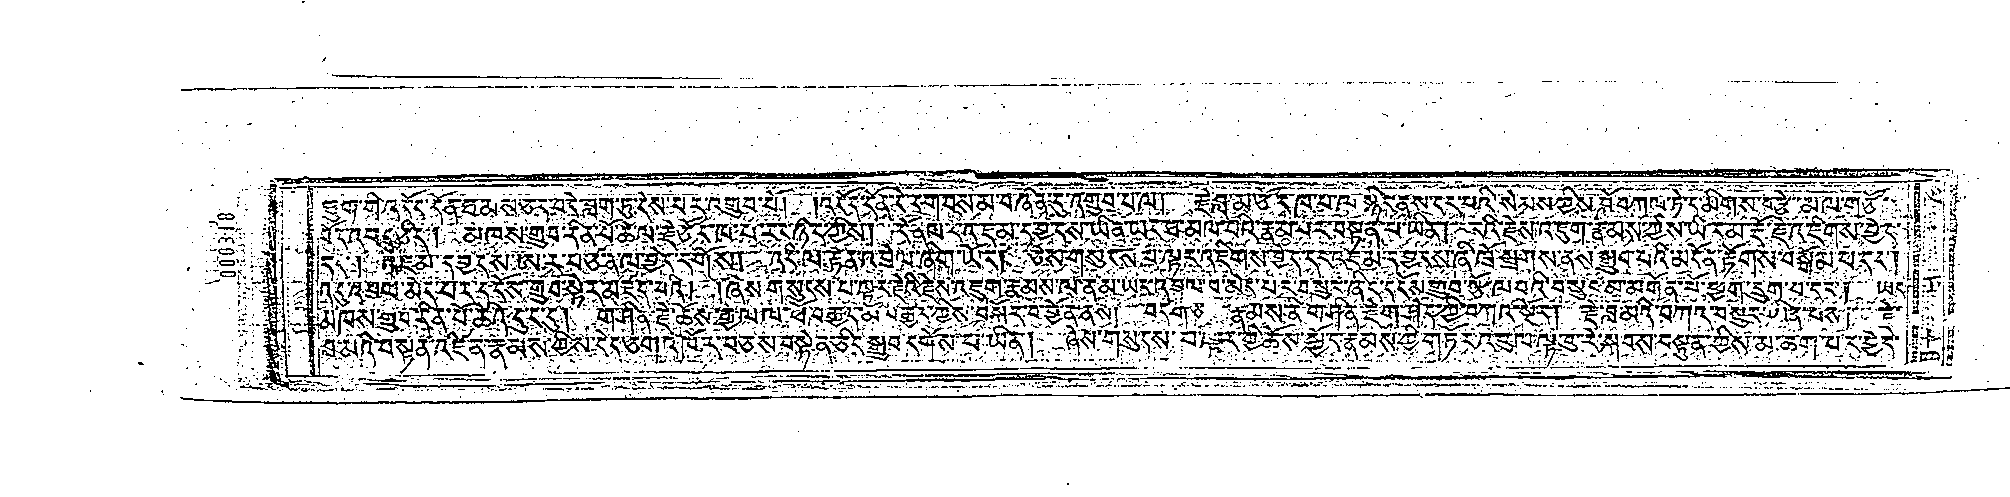ཐུག་གི་འདོད་དོན་ཐམས་ཅད་བདེ་བླག་ཏུ་ངེས་པར་འགྲུབ་པོ། །འདོད་དོན་དེ་དག་བསམ་བཞིན་དུ་འགྲུབ་པ་ལ། རྗེ་བླ་མ་ཙོང་ཁ་པ་ལ་སྙིང་ནས་དད་པའི་སེམས་ཀྱིས་བློ་བཀལ་ཏེ་དམིགས་བརྩེ་མ་ལ་གཙོ་
བོར་འབད་ཅིང་། མཁས་གྲུབ་རིན་པོ་ཆེ་ལ་རྗེ་ཙོང་ཁ་པ་རང་ཉིད་ཀྱིས། དོན་ལ་ང་འཇམ་དབྱངས་ཡིན་ཡང་ཐ་མལ་པའི་རྣམ་པར་བསྟན་པ་ཡིན། དེའི་རྗེས་འཇུག་རྣམས་ཀྱིས་ཡི་དམ་རྡོ་རྗེ་འཇིགས་བྱེད་
དང་། འཇམ་དབྱངས་ཨ་ར་པ་ཙ་ན་ལ་བྱེད་དགོས། འདི་ལ་རྟེན་འབྲེལ་ཞིག་ཡོད། ཅེས་གསུངས་པ་ལྟར་འཇིགས་བྱེད་དང་འཇམ་དབྱངས་ཞི་ཁྲོ་སྦྲགས་ནས་སྒྲུབ་པའི་མངོན་རྟོགས་བསྒོམ་པ་དང་།
འདུ་འབྲལ་མེད་པར་དངོས་གྲུབ་སྟེར་མཛད་པའི། །ཞེས་གསུངས་པ་ལྟར་རྗེའི་རྗེས་འཇུག་རྣམས་ལ་ནམ་ཡང་འབྲལ་བ་མེད་པར་བསྲུང་ཞིང་དངོས་གྲུབ་སྩོལ་བའི་བསྲུང་མ་མགོན་པོ་ཕྱག་དྲུག་པ་དང་། ཡང་
མཁས་གྲུབ་རིན་པོ་ཆེའི་དུ་ང་དུ། གཤིན་རྗེ་ཆོས་རྒྱལ་ལ་ཕོ་བརྒྱད་མོ་བརྒྱད་ཀྱིས་བསྐོར་བ་བྱོན་ནས། བདག་ཅག་རྣམས་ནི་གཤིན་རྗེ་གཤེད་ཀྱི་བཀའ་སྡོང་། རྗེ་བླ་མའི་བཀའ་བསྲུང་ཡིན་པས། རྗེ་
བླ་མའི་བསྟན་འཛིན་རྣམས་ཀྱིས་དེད་ཅག་འཁོར་བཅས་བསྟེན་ཅིང་སྒྲུབ་དགོས་པ་ཡིན། ཞེས་གསུངས་པ་ལྟར་གྱི་ཆོས་སྐྱོང་རྣམས་ཀྱི་གཏོར་འབུལ་ལྟ་བུ་རེ་སྐབས་བསྟུན་གྱིས་མ་ཆག་པར་བྱེད་